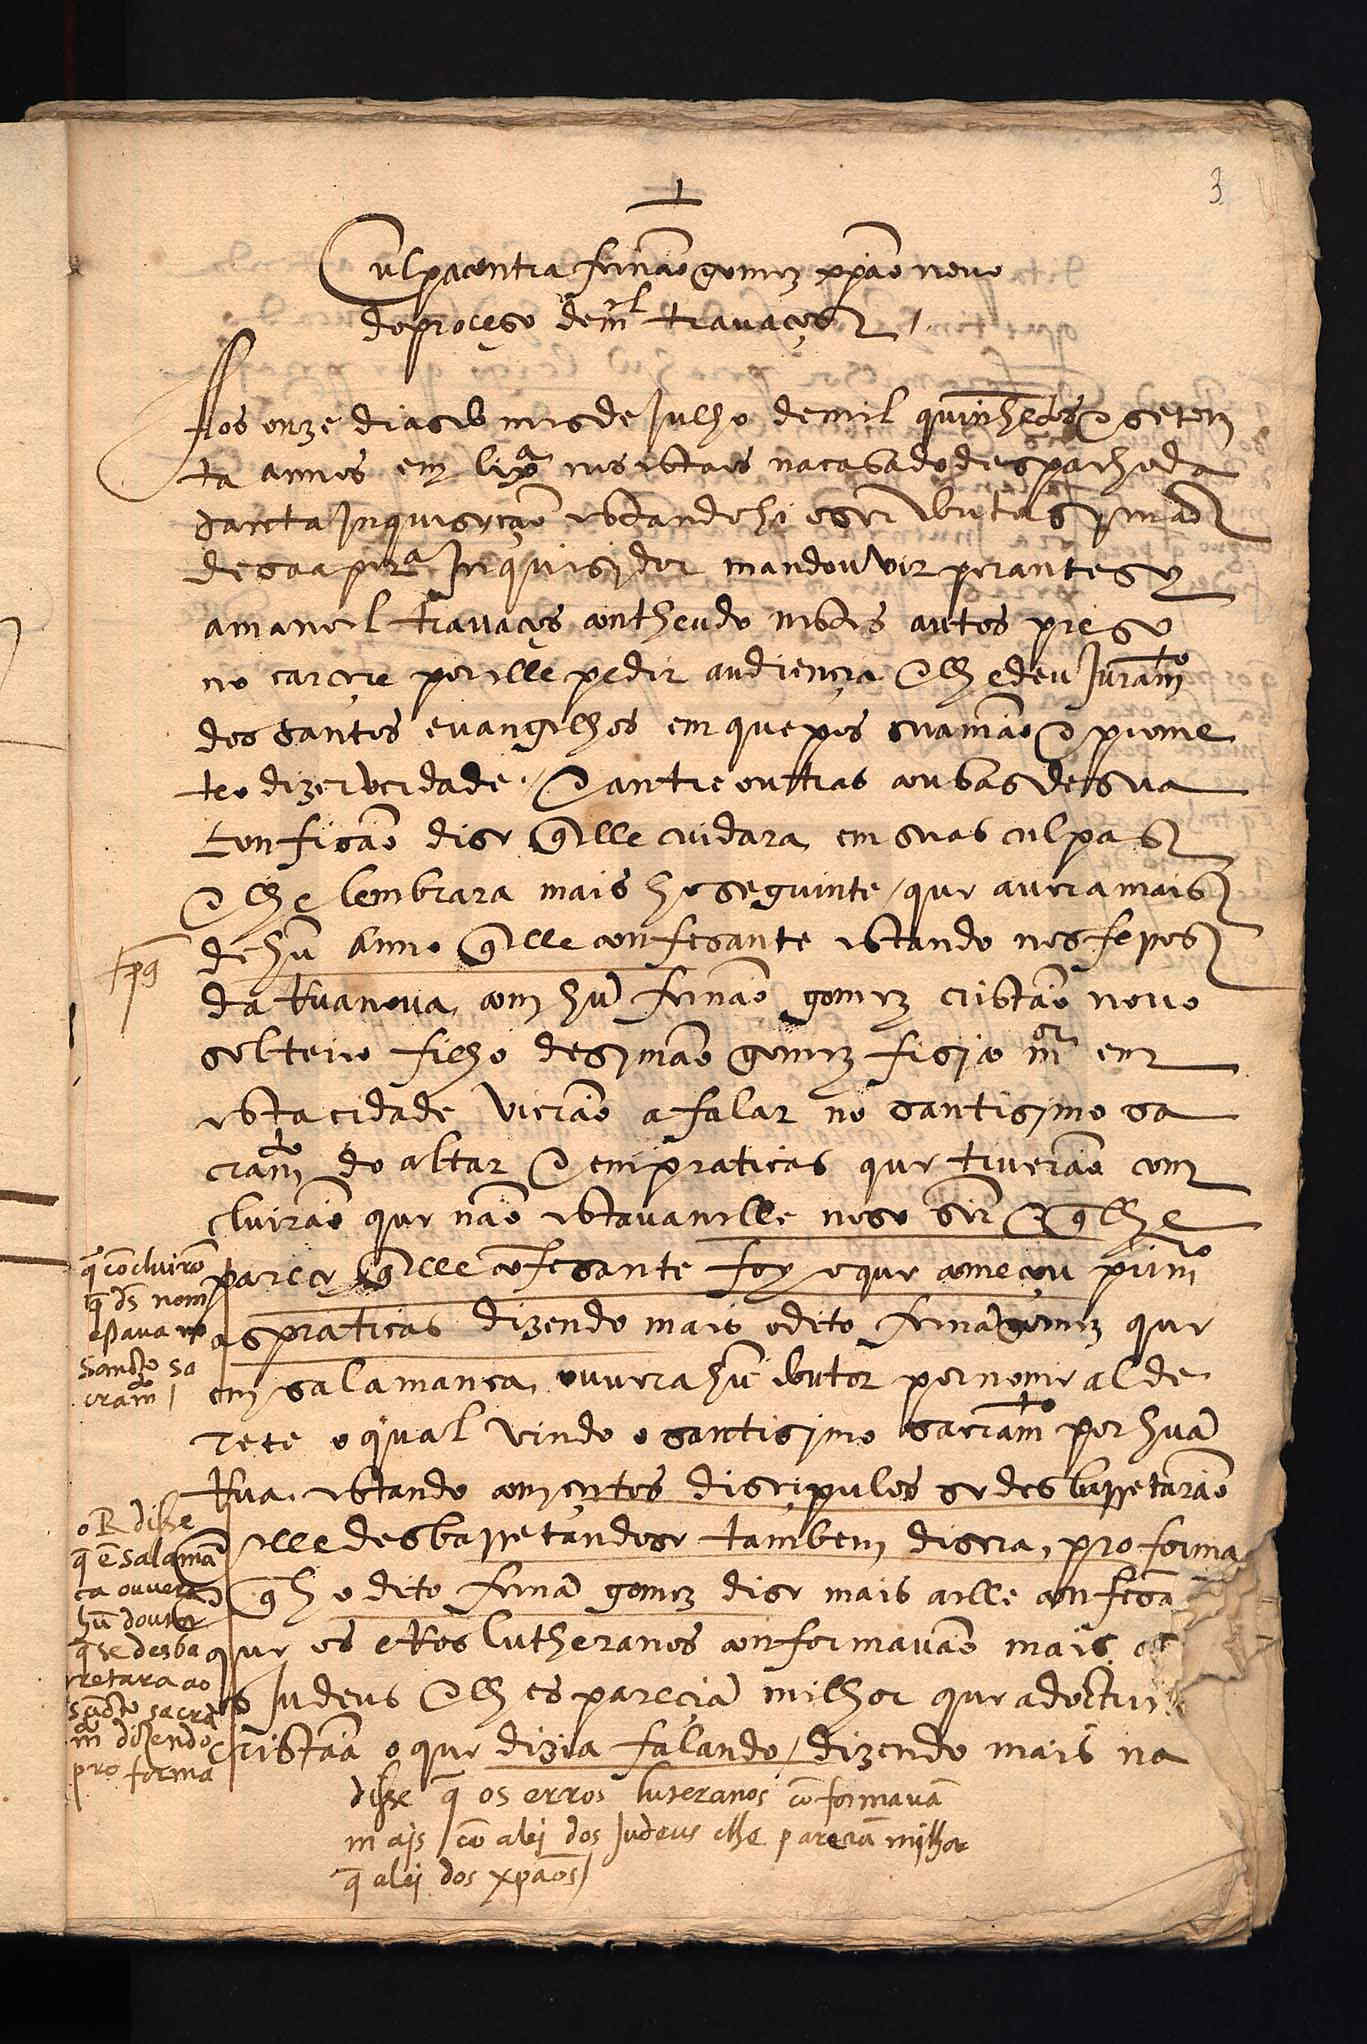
Culpa contra fernão gomez xpão nouo
do proceso de mel trauaços /
Aos onze dias do mes de Julho de mil quinhētos e seten
ta annos em lixa nos estaos na casa do despacho da
santa Jnquisyção estando hi o sōr doutor symão
de saa pera Jnquisydor mandou vir perante sy
a manoel trauaços contheudo nestes autos preso
no carcere por elle pedir audiencia e lhe deu Juramto
dos santos euangelhos em que pos sua mão e prome
teo dizer verdade / e antre outras cousas de sua
confisão dise q̄ elle cuidara em suas culpas
e lhe lembrara mais ho seguinte / que auera mais
de hū anno q̄ elle confesante estando nos ferros
tp̄ꝯ
da Rua noua com hū fernão gomez cristão nouo
solteiro filho de symão gomez fisjco mor em
esta cidade vierão a falar no santisymo sa
cramto do altar e em praticas que tiuerão com
cluirão que não estaua nelle noso s̄or e q̄ lhe
q̄ cōcluirō
parece q̄ elle cōfesante foy o que começou primro
q̄ ds̄ nom
as praticas dizendo mais o dito fernā gomez que
estaua no
Sancto sa
em salamanca ouuera hū doutor por nome alde
cramto
rete o qual vindo o santisymo sacramto por huā
Rua estando com certos discipulos se desbarretarão
o R disse
e elle desbarretandose tambem disera, pro forma
q̄ ē salamā
ca ouuera
q̄ ho dito fernā gomez dise mais a elle confesā
hū doutor
que os eRos lutheranos conformauão mais os
q̄ se desba
rretara ao
os Judeus e lhes pareciā milhor que a doctri
sācto sacra
mto dizendo
cristaā o que dizia falando / dizendo mais na
pro forma
disse q̄ os erros luteranos c̄oformauā
majs cō a lej dos Judeus e lhe parciā mjlhor
q̄ a lej dos xpãos /
